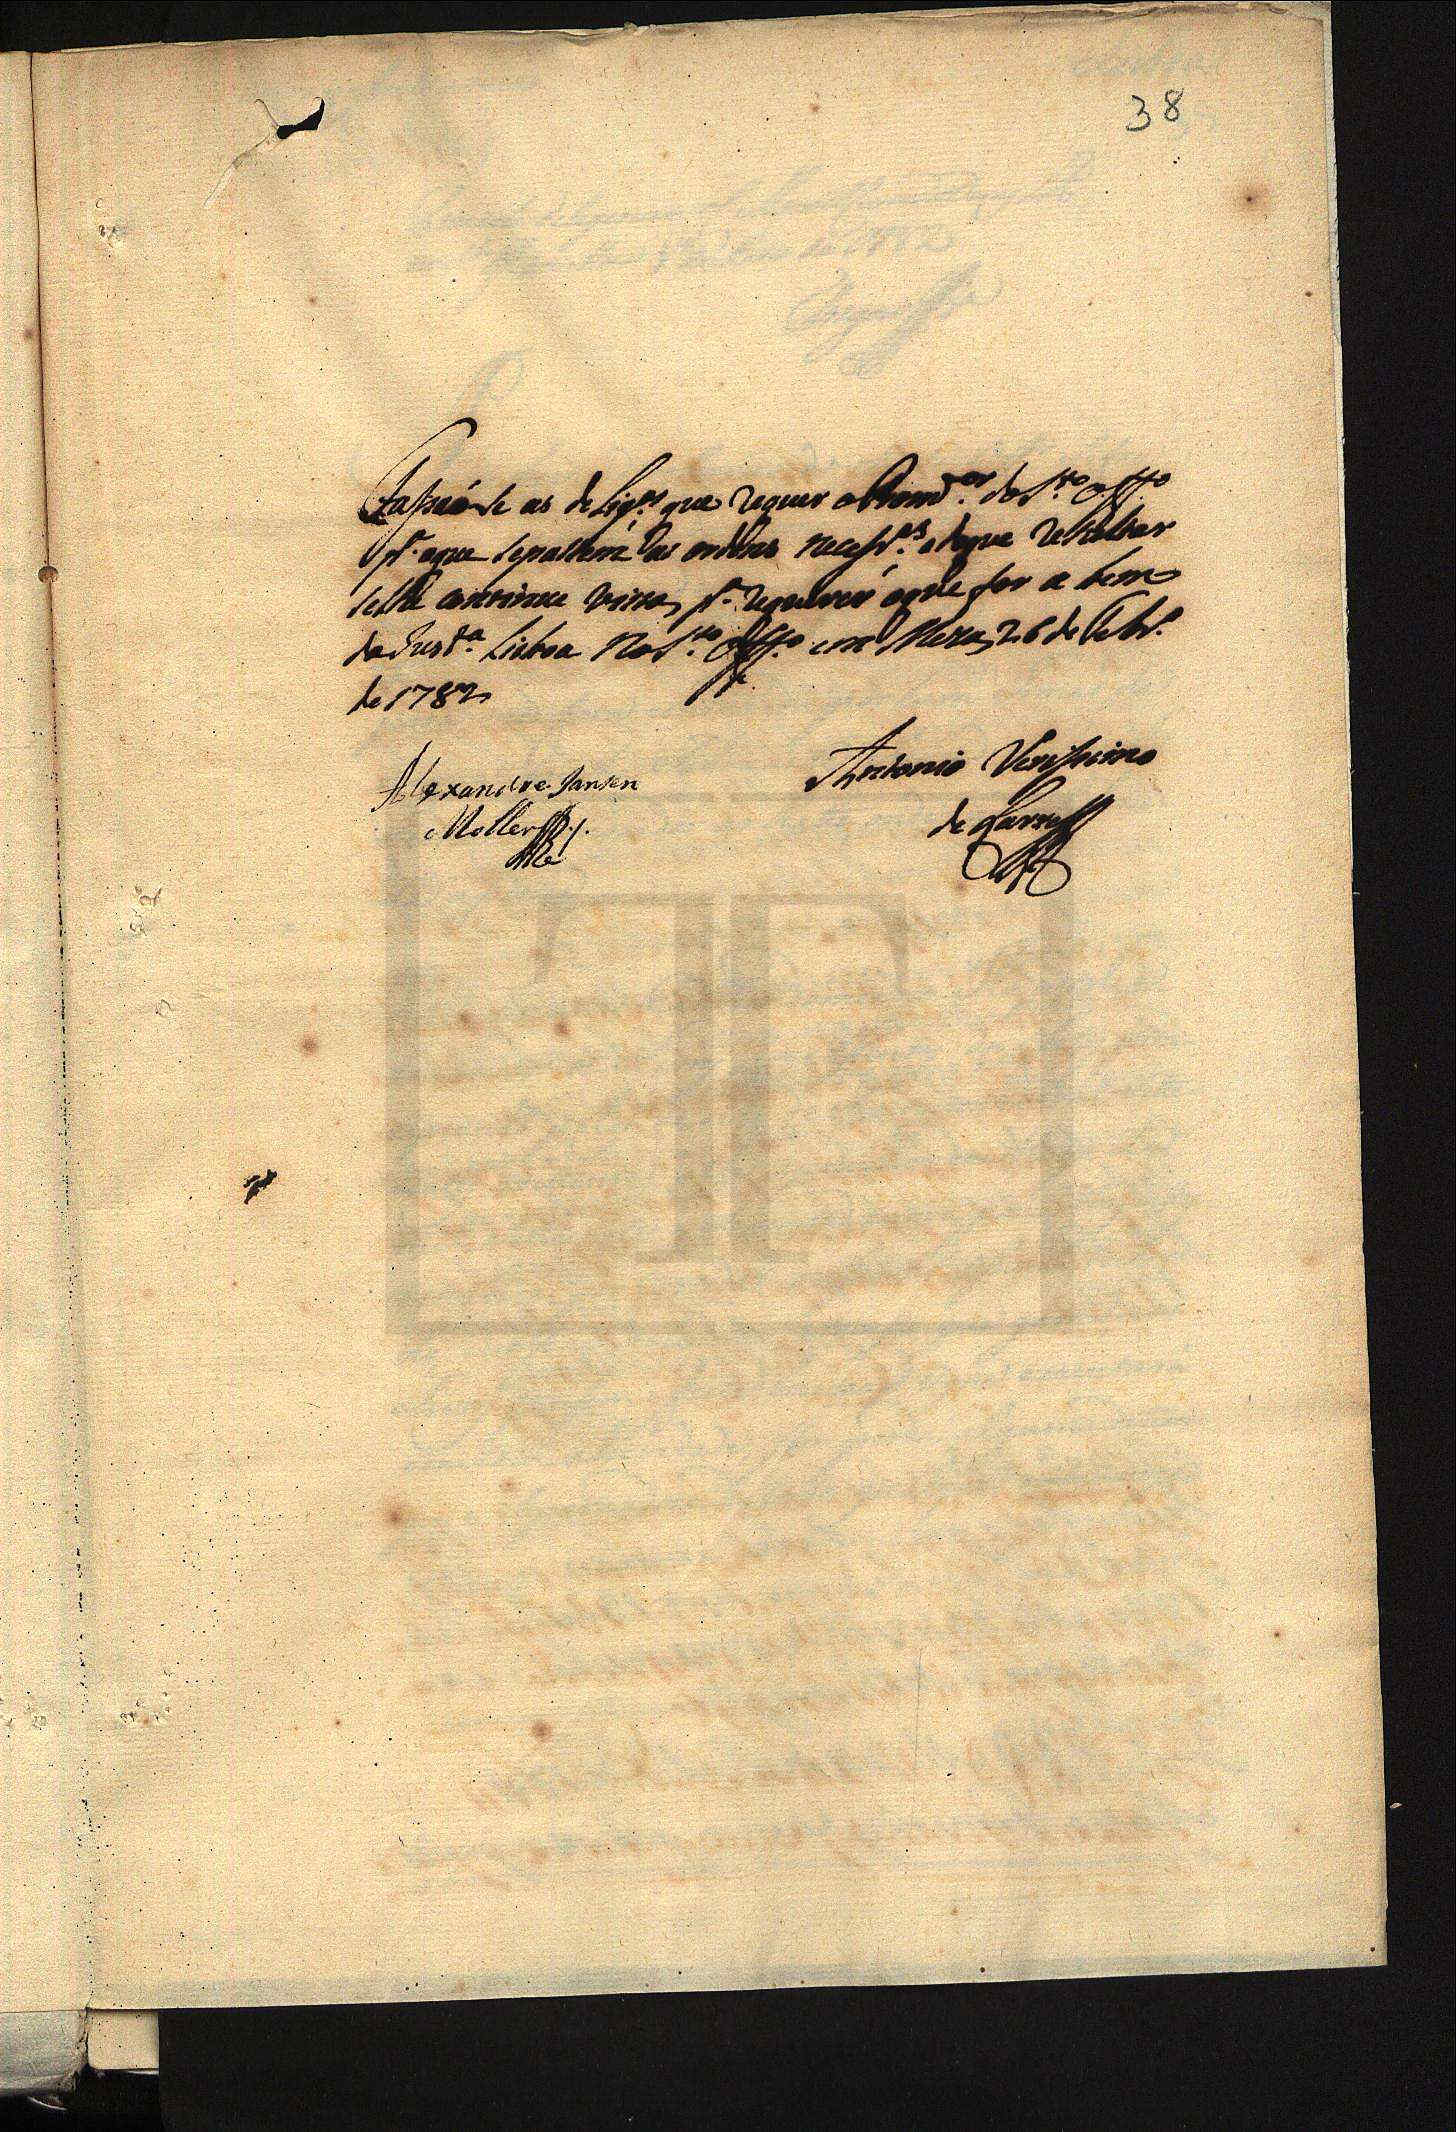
Fassaõse as delig.as que requer o Prom.tor do S.to Off.o
p.a o que se passem as ordens necess.as do que resultar
selhe continue vista p.a requerer o que for a bem
da Iust.a Lisboa no S.to Off.o em Meza, 26 de Febr.o
de 1782
Alexandre Iansen
Moller
Antonio Verissimo
de Larre
